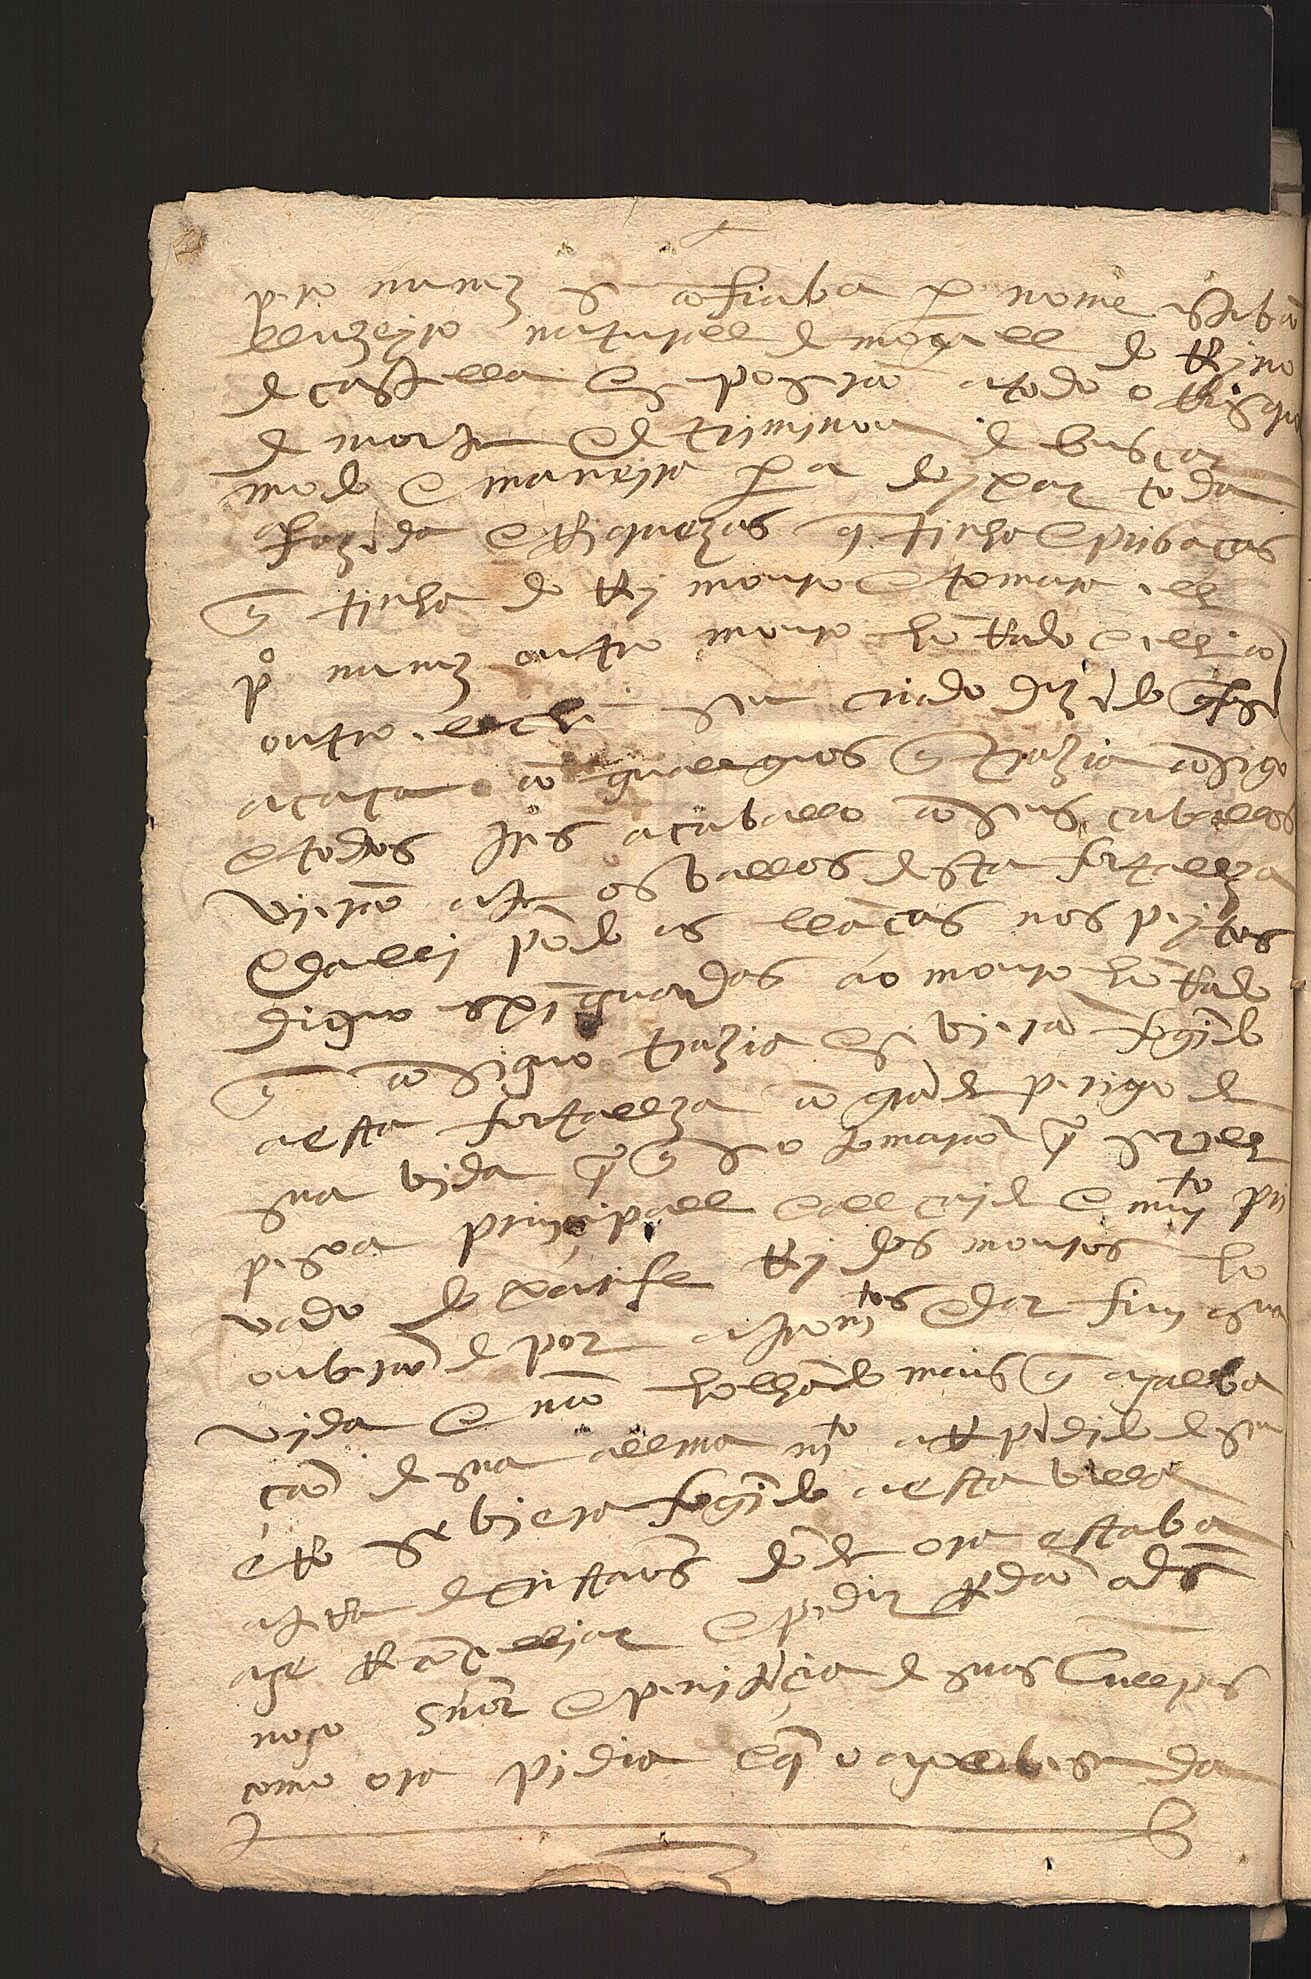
pero nunez se c̄ofiava ꝑ nome estevão
lluzejro naturall de moguell do Rejno
de castella e se poseraõ a todo o Risquo
de morte e detriminou de buscar
modo e manejra ꝑa dejxar toda
a fazēda e Riquezas q̄ tinha ē privaças
q̄ tinha do Rej mouro e tomara elle
po nunez outro mouro hōRado e elle cō
outro ellche seu criado dizēdo q̄ fosē
a caça c̄o guallguos q̄ trazia c̄osigo
e todos tres a cavallo c̄o seus cavallos
vierão ate os vallos desta fortalleza
e dallj pōdo as llāças nos pejtos
diguo espīguardas ao mouro hōRado
q̄ c̄osiguo trazia e se vierā fogīdo
a esta fortalleza c̄o grāde perigo de
sua vida p̄oq̄ so tomaraõ p̄o ser elle
pesoa principall e allcajde e mujto pri
vado do xarife Rej dos mouros ho
ouverão de por a tromtos e dar fim a sua
vida e não holhādo mais q̄ a sallva
ção de sua allma mto aRepēdido de seu
eRo se viera fogīdo a esta villa
a teRa de cristãos dōde ora estava
a se Recōcelljar e pedir ꝑdaõ a ds̄
noso Snōr e penitēcia de suas Cullpas
como ora pjdia e q̄ o asollvese da
